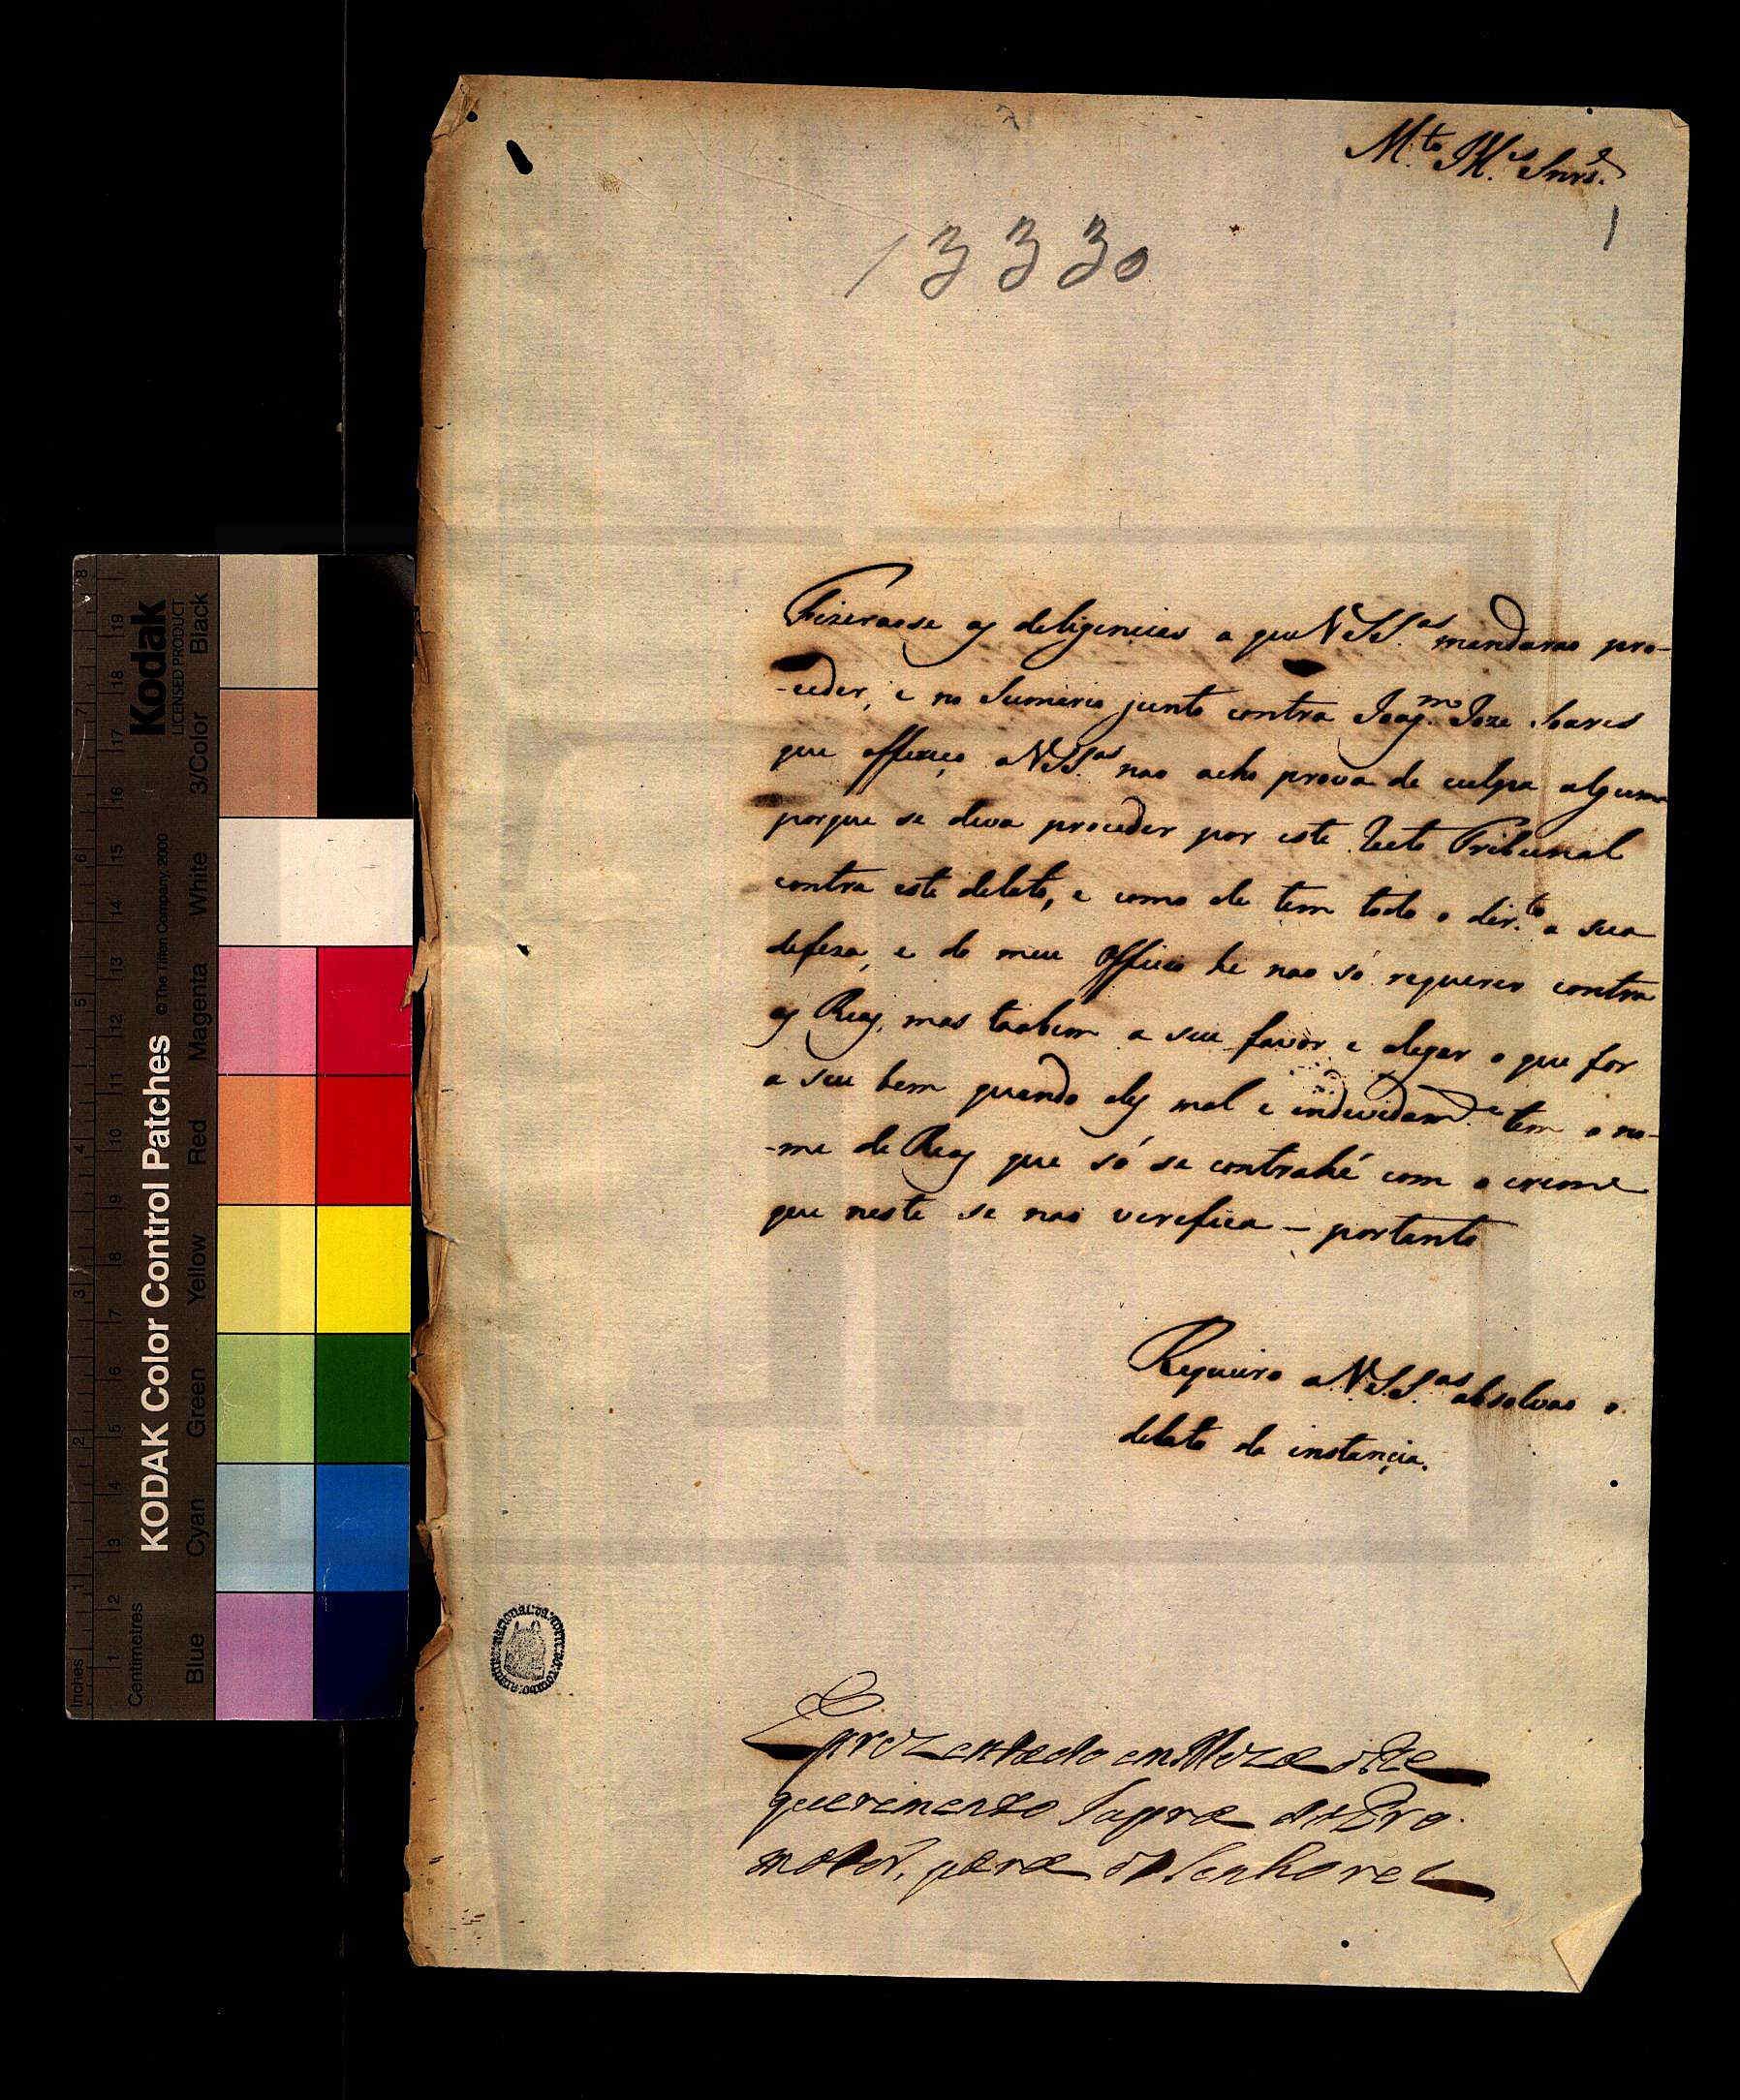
M.to Ill.es Snrs̄.
Fizeraose as deligencias a que VSS.as mandarao pro
ceder, e no Sumario junto contra Ioaq.m Ioze Soares
que offereço a VSS.as nao acho prova de culpa alguma
porque se deva proceder por este Recto Tribunal
contra este delato, e como ele tem todo o dir.to a sua
defeza, e o meu Officio de nao só requerer contra
os Reos, mas taobem a seu favor e chegar o que for
a seu bem quando eles mal e indevidam.te tem o no
me de Reos que só se contrahé com o crime
que neste se nao verefica - portanto
Requeiro a VS.S.as absolvao o
delato da instançia.
E prezentado em Meza o Re
querimento Supra do Pro
motor, para os senhores
